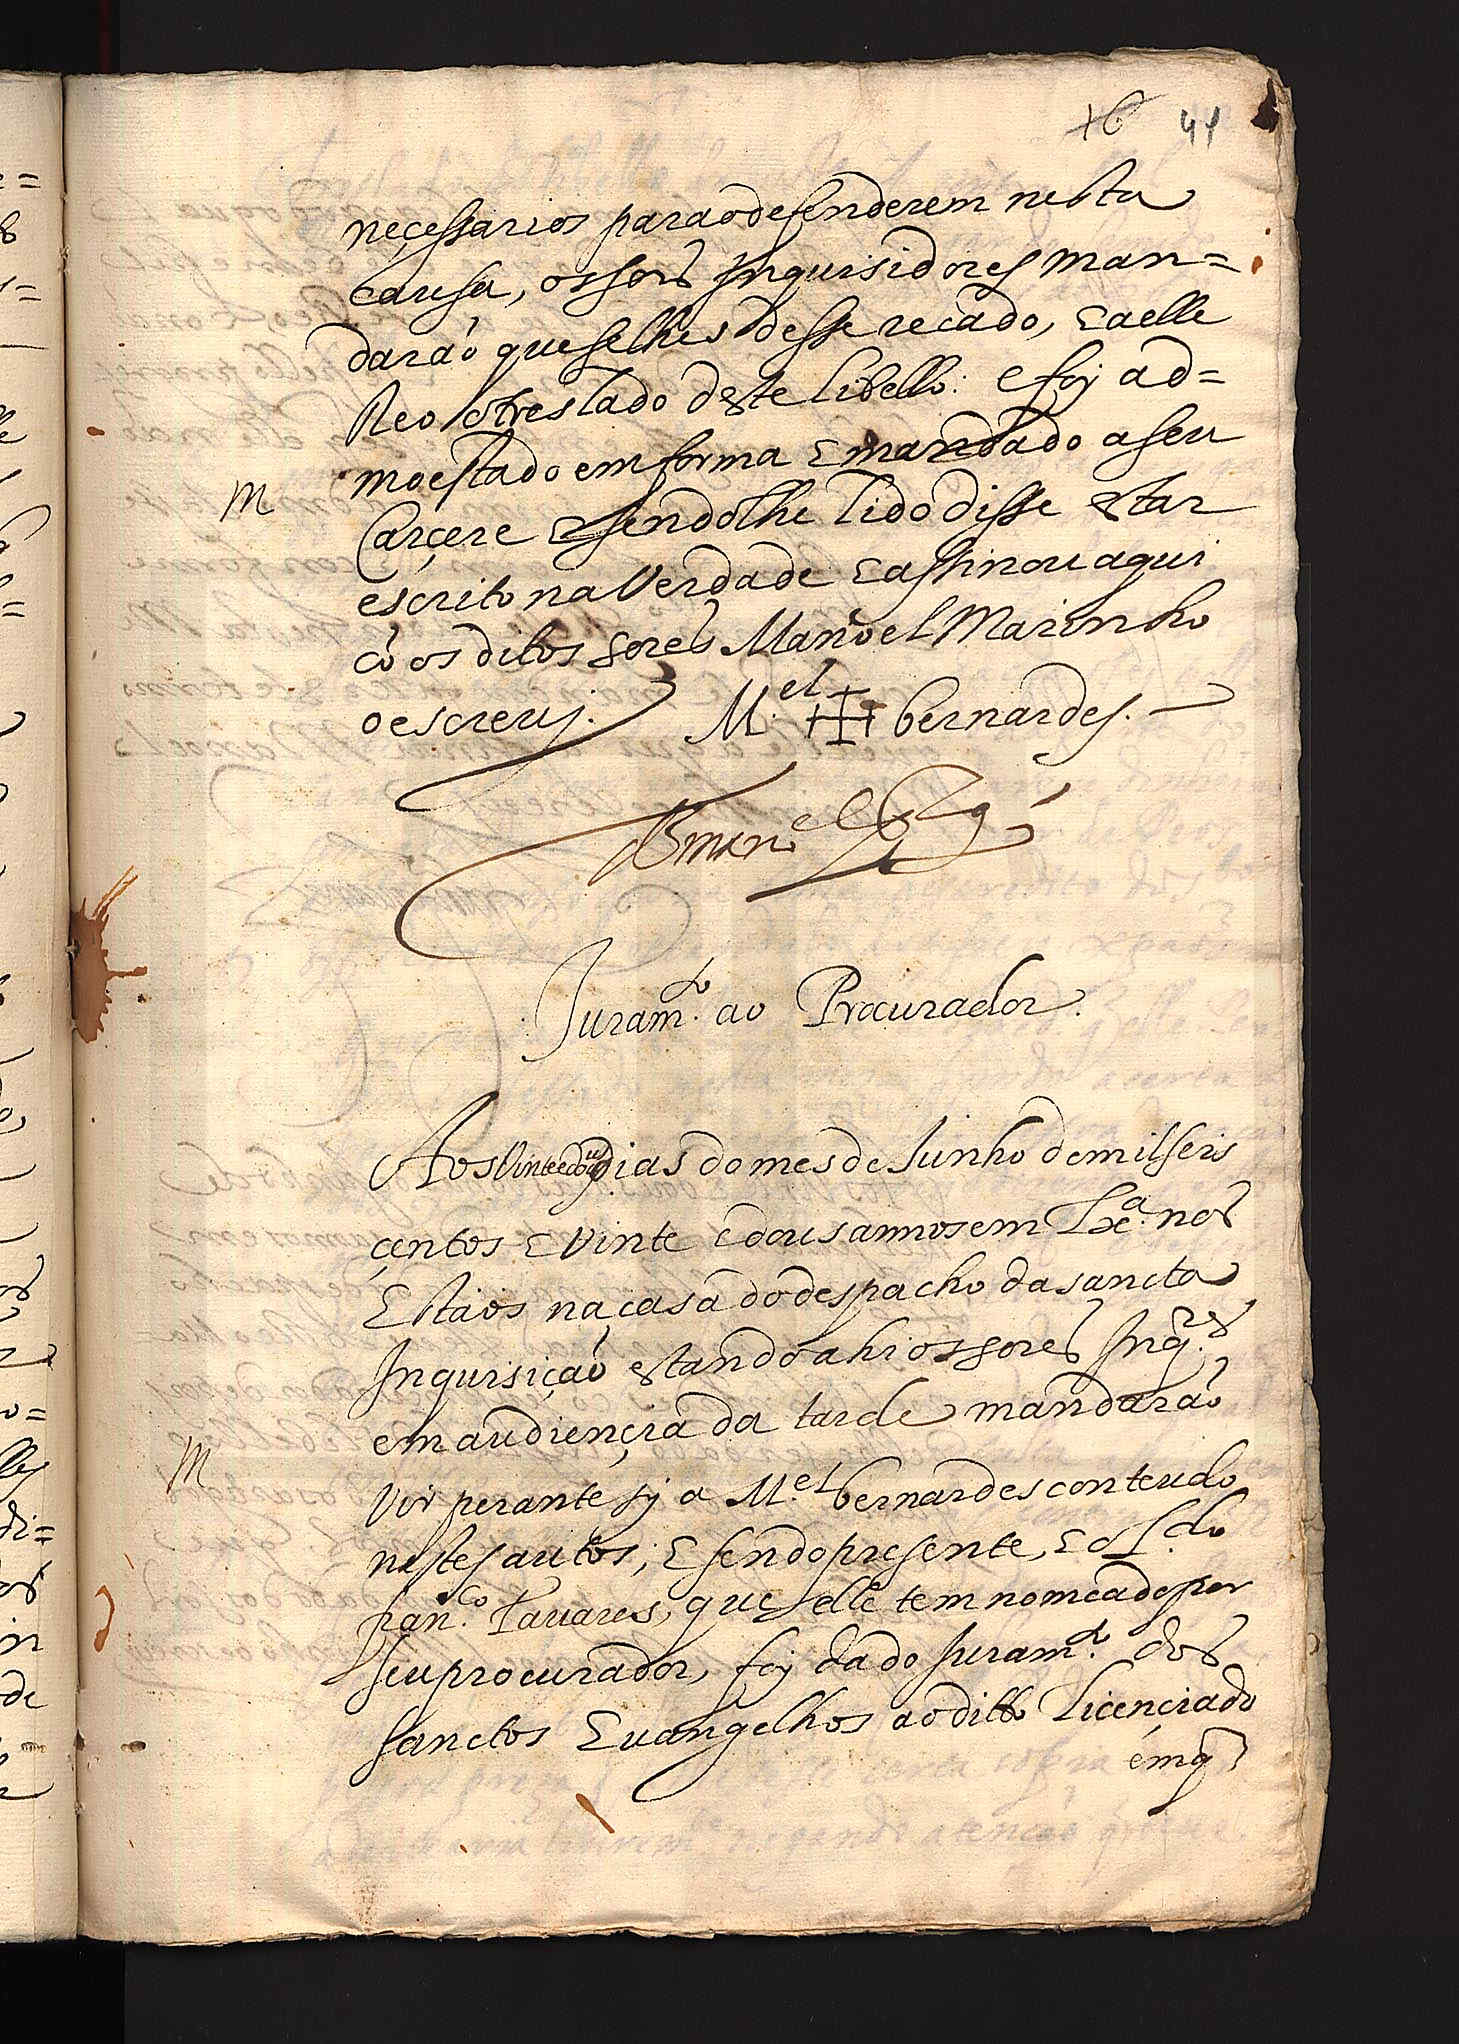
neçessarios para o defenderem nesta
causa, os sors̅ Jnquisidores man
darão que se lhes desse recado, E a elle
Reo o treslado deste Libello: e foy ad
moestado em forma E mandado a seu
Carçere E sendolhe lido disse estar
escrito na Uerdade E assinou aqui
co̅ os ditos sores̅ Manoel Marinho
o escreuj.
Juramto. ao Procurador
Aos vinte e dous dias do mes de Junho de mil seis
çentos E vinte e dous annos em Lxa. nos
Estaos na casa do despacho da sancta
Jnquisição estando ahi os sores̅ Jnqres.
em audiençia da tarde mandarão
vir perante sy a M.el bernardes conteudo
nestes autos; E sendo presente, E o Ldo.
fran.co Tauares, que elle tem nomeado por
seu procurador, foy dado Juramto. dos
sanctos Euangelhos ao ditto Licençiado
